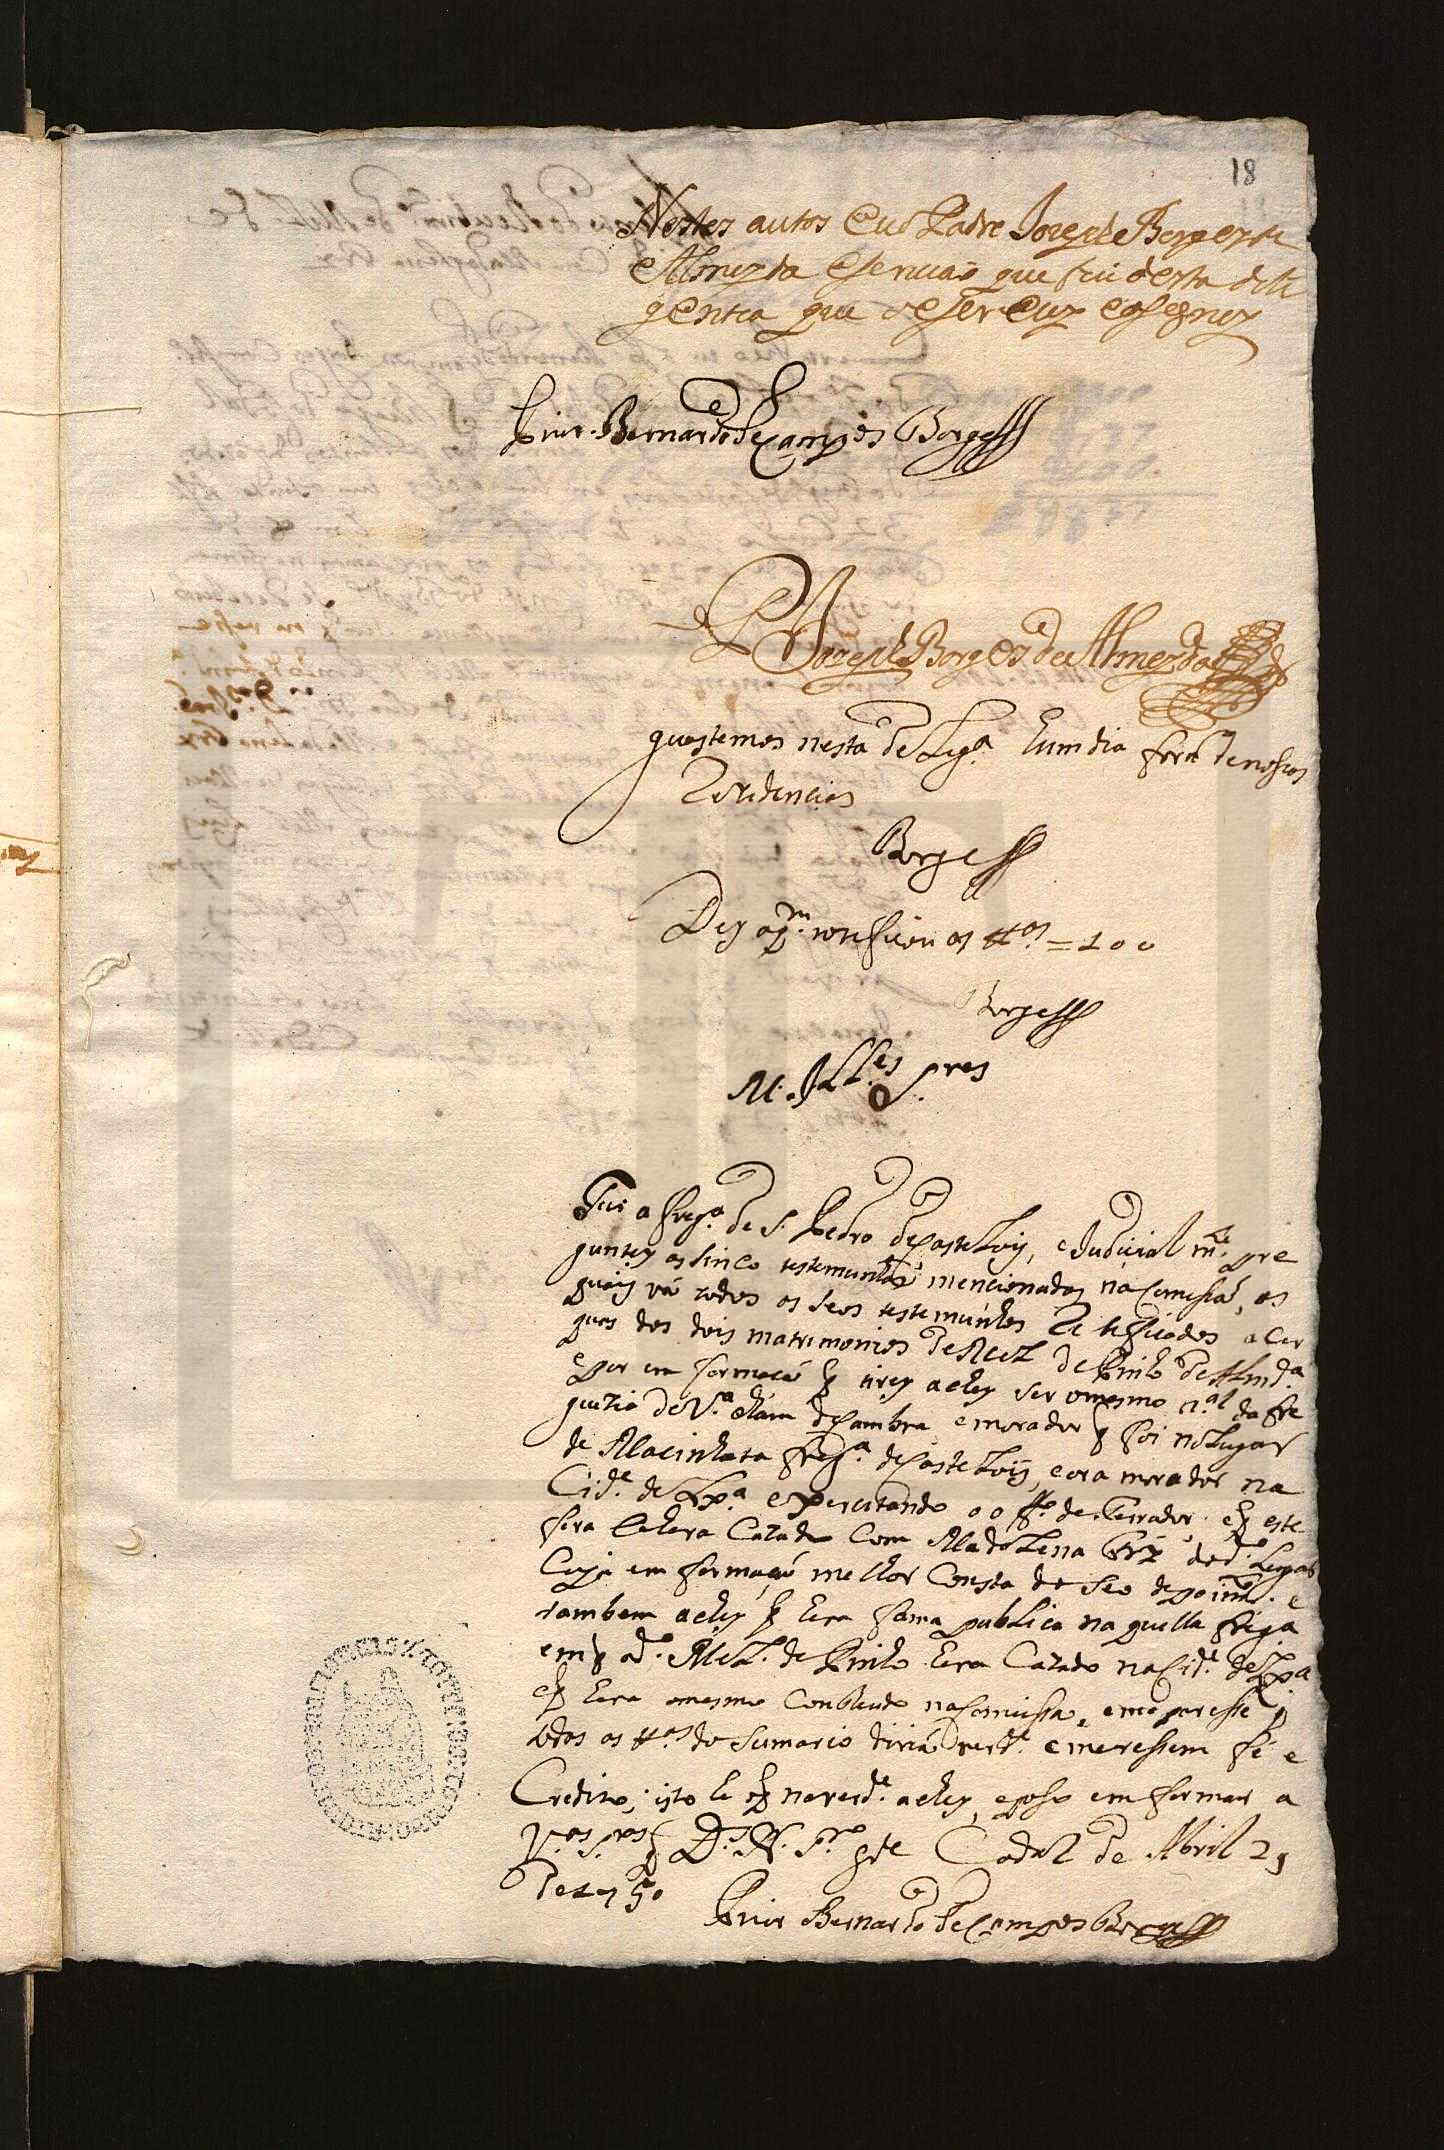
Nestes autos eu o Padre Iozeph Borges de
Almeyda escriuaõ que fui desta dili
gensia que o escreuy e asegney
Prior. Bernardo de Campos Borges
o P Jozeph Borges de Almeyda
guastemos nesta deLig.a hum dia fora de nossas
Rezidencias
Borges
Dey a q.m noteficou as tt.as =100
Borges
M. Ill.es S.res
Fui a freg.a de S. Pedro de CasteLois, e Iudcialm.te pre
guntey as sinco testemunhas mencionadas na Comissaõ, os
quais vaõ todos os seos testemunhos Rateficados aCer
quas dos dois matrimonios de MeL de Pinho de Almd.a
e por emformaçaõ q̄ tirey achey ser o mesmo n.al da fre
guezia de V.a cham de Cambra, e morador q̄ foi no Lugar
de Macinhata freg.a de CasteLois, e ora morador na
Cid.e de Lx.a exercitando o off.o de Ferrador; e q̄ este
fora E hera Cazado com MadoLena Frz̄ do d.o Lugar
Cuja emformaçaõ melhor Consta do seo depoim.to. e
tambem achey q̄ hera fama pubLica naquella freg.a
em q̄ o d.o MeL. de Pinho hera Cazado na Cid.e de Lx.a
e q̄ hera o mesmo Contheudo na Comissā, e me paresse q̄
todas as tt.as do Sumario diriā verd.e e meressem fé e
Credito, isto he o q̄ na verd.e achey, e poso emformar a
V.as S.ras q̄ D.s N. S.ro gde CodaL 2 de Abril 29
de 1750
Prior Bernardo de Campos Borges
